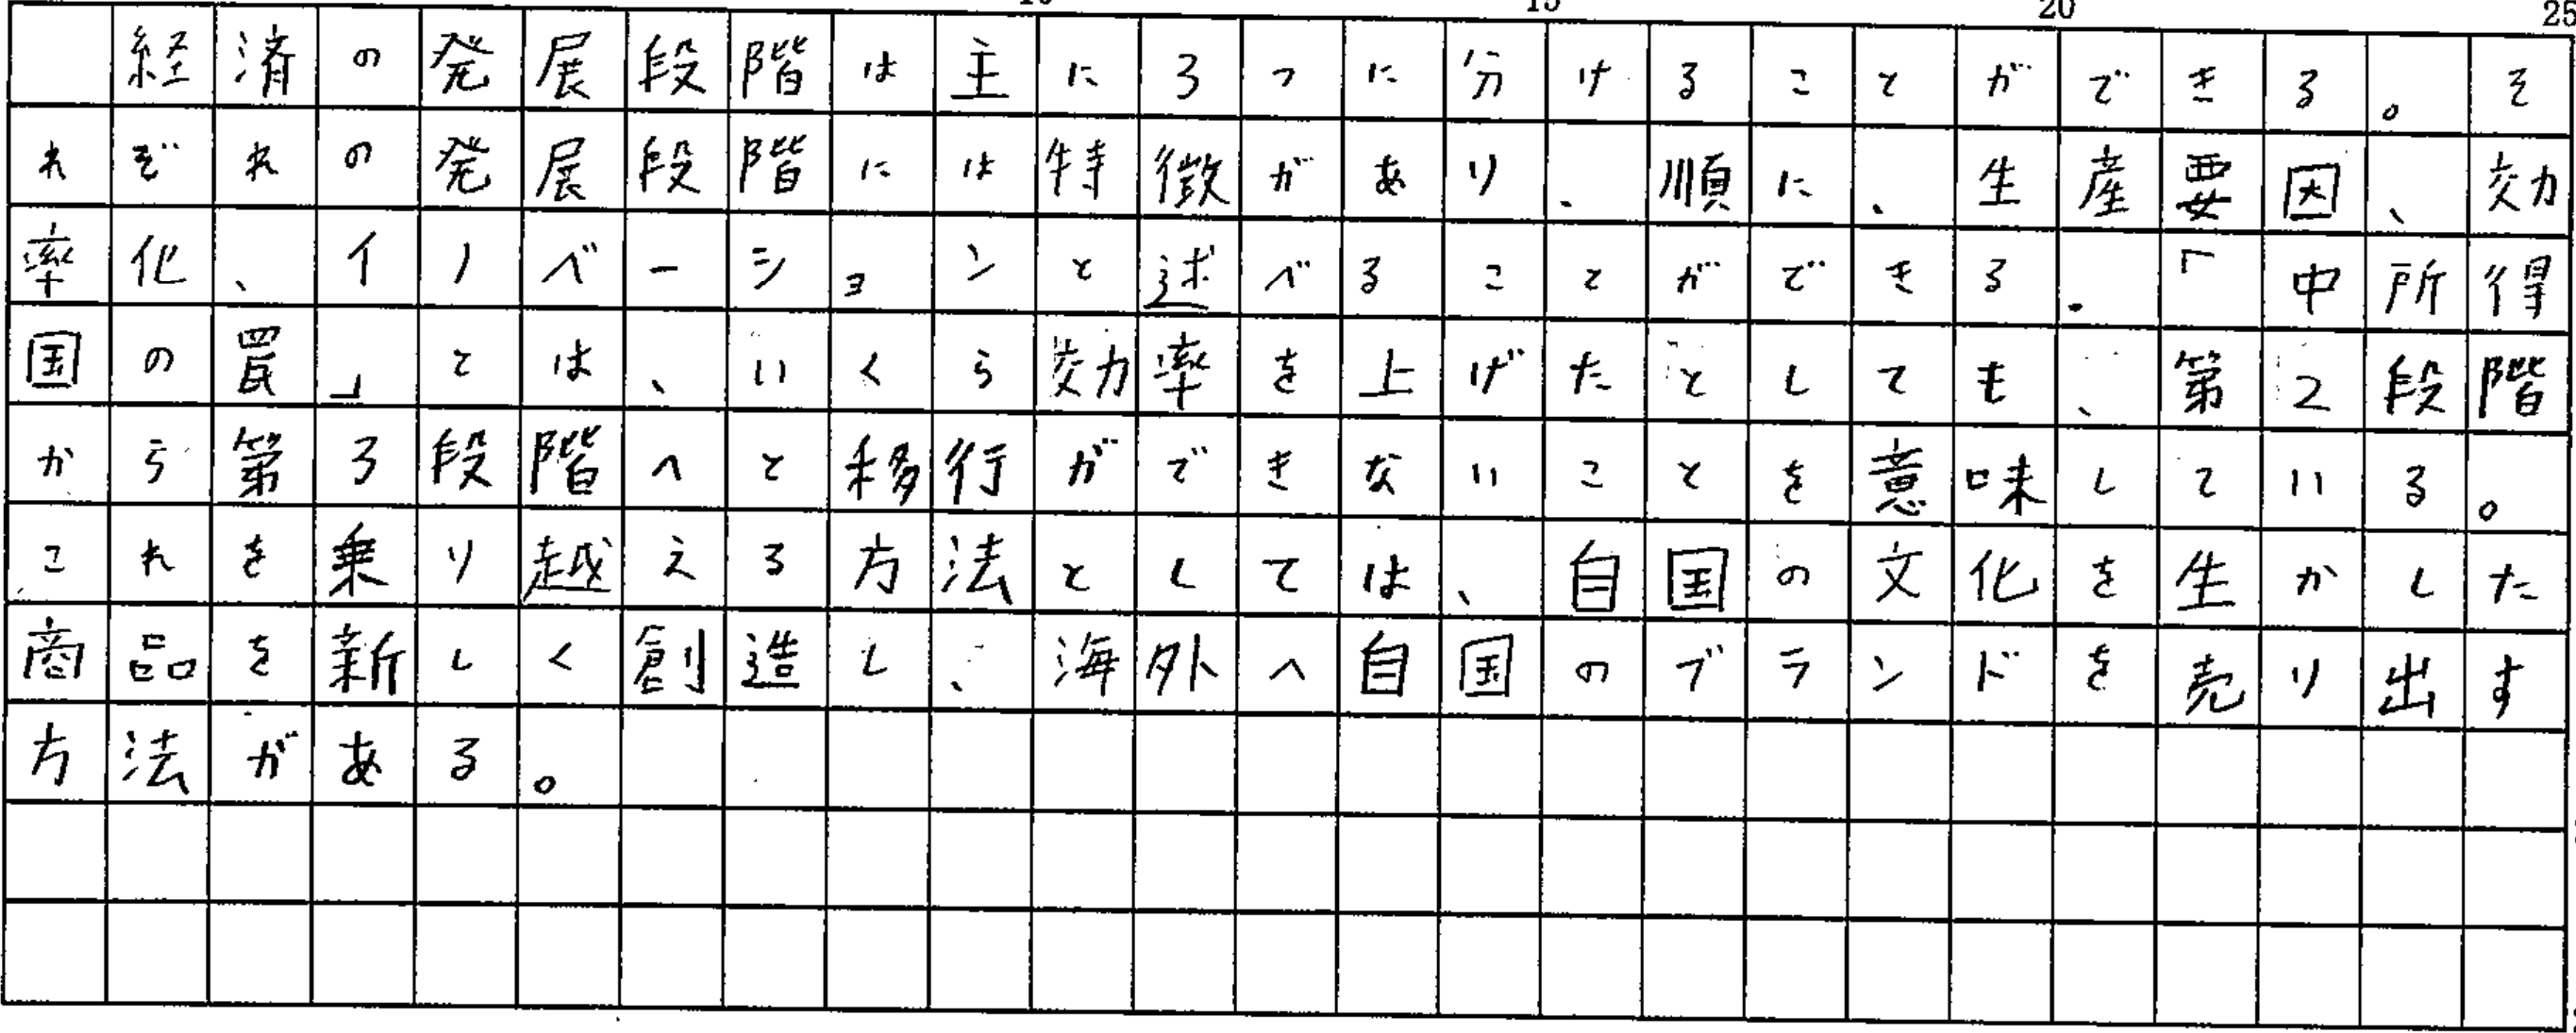　経済の発展段階は主に３つに分けることができる。それぞれの発展段階には特徴があり、順に、生産要因、効率化、イノベーションと述べることができる。「中所得国の罠」とは、いくら効率を上げたとしても、第２段階から第３段階へと移行ができないことを意味している。これを乗り越える方法としては、自国の文化を生かした商品を新しく創造し、海外へ自国のブランドを売り出す方法がある。
